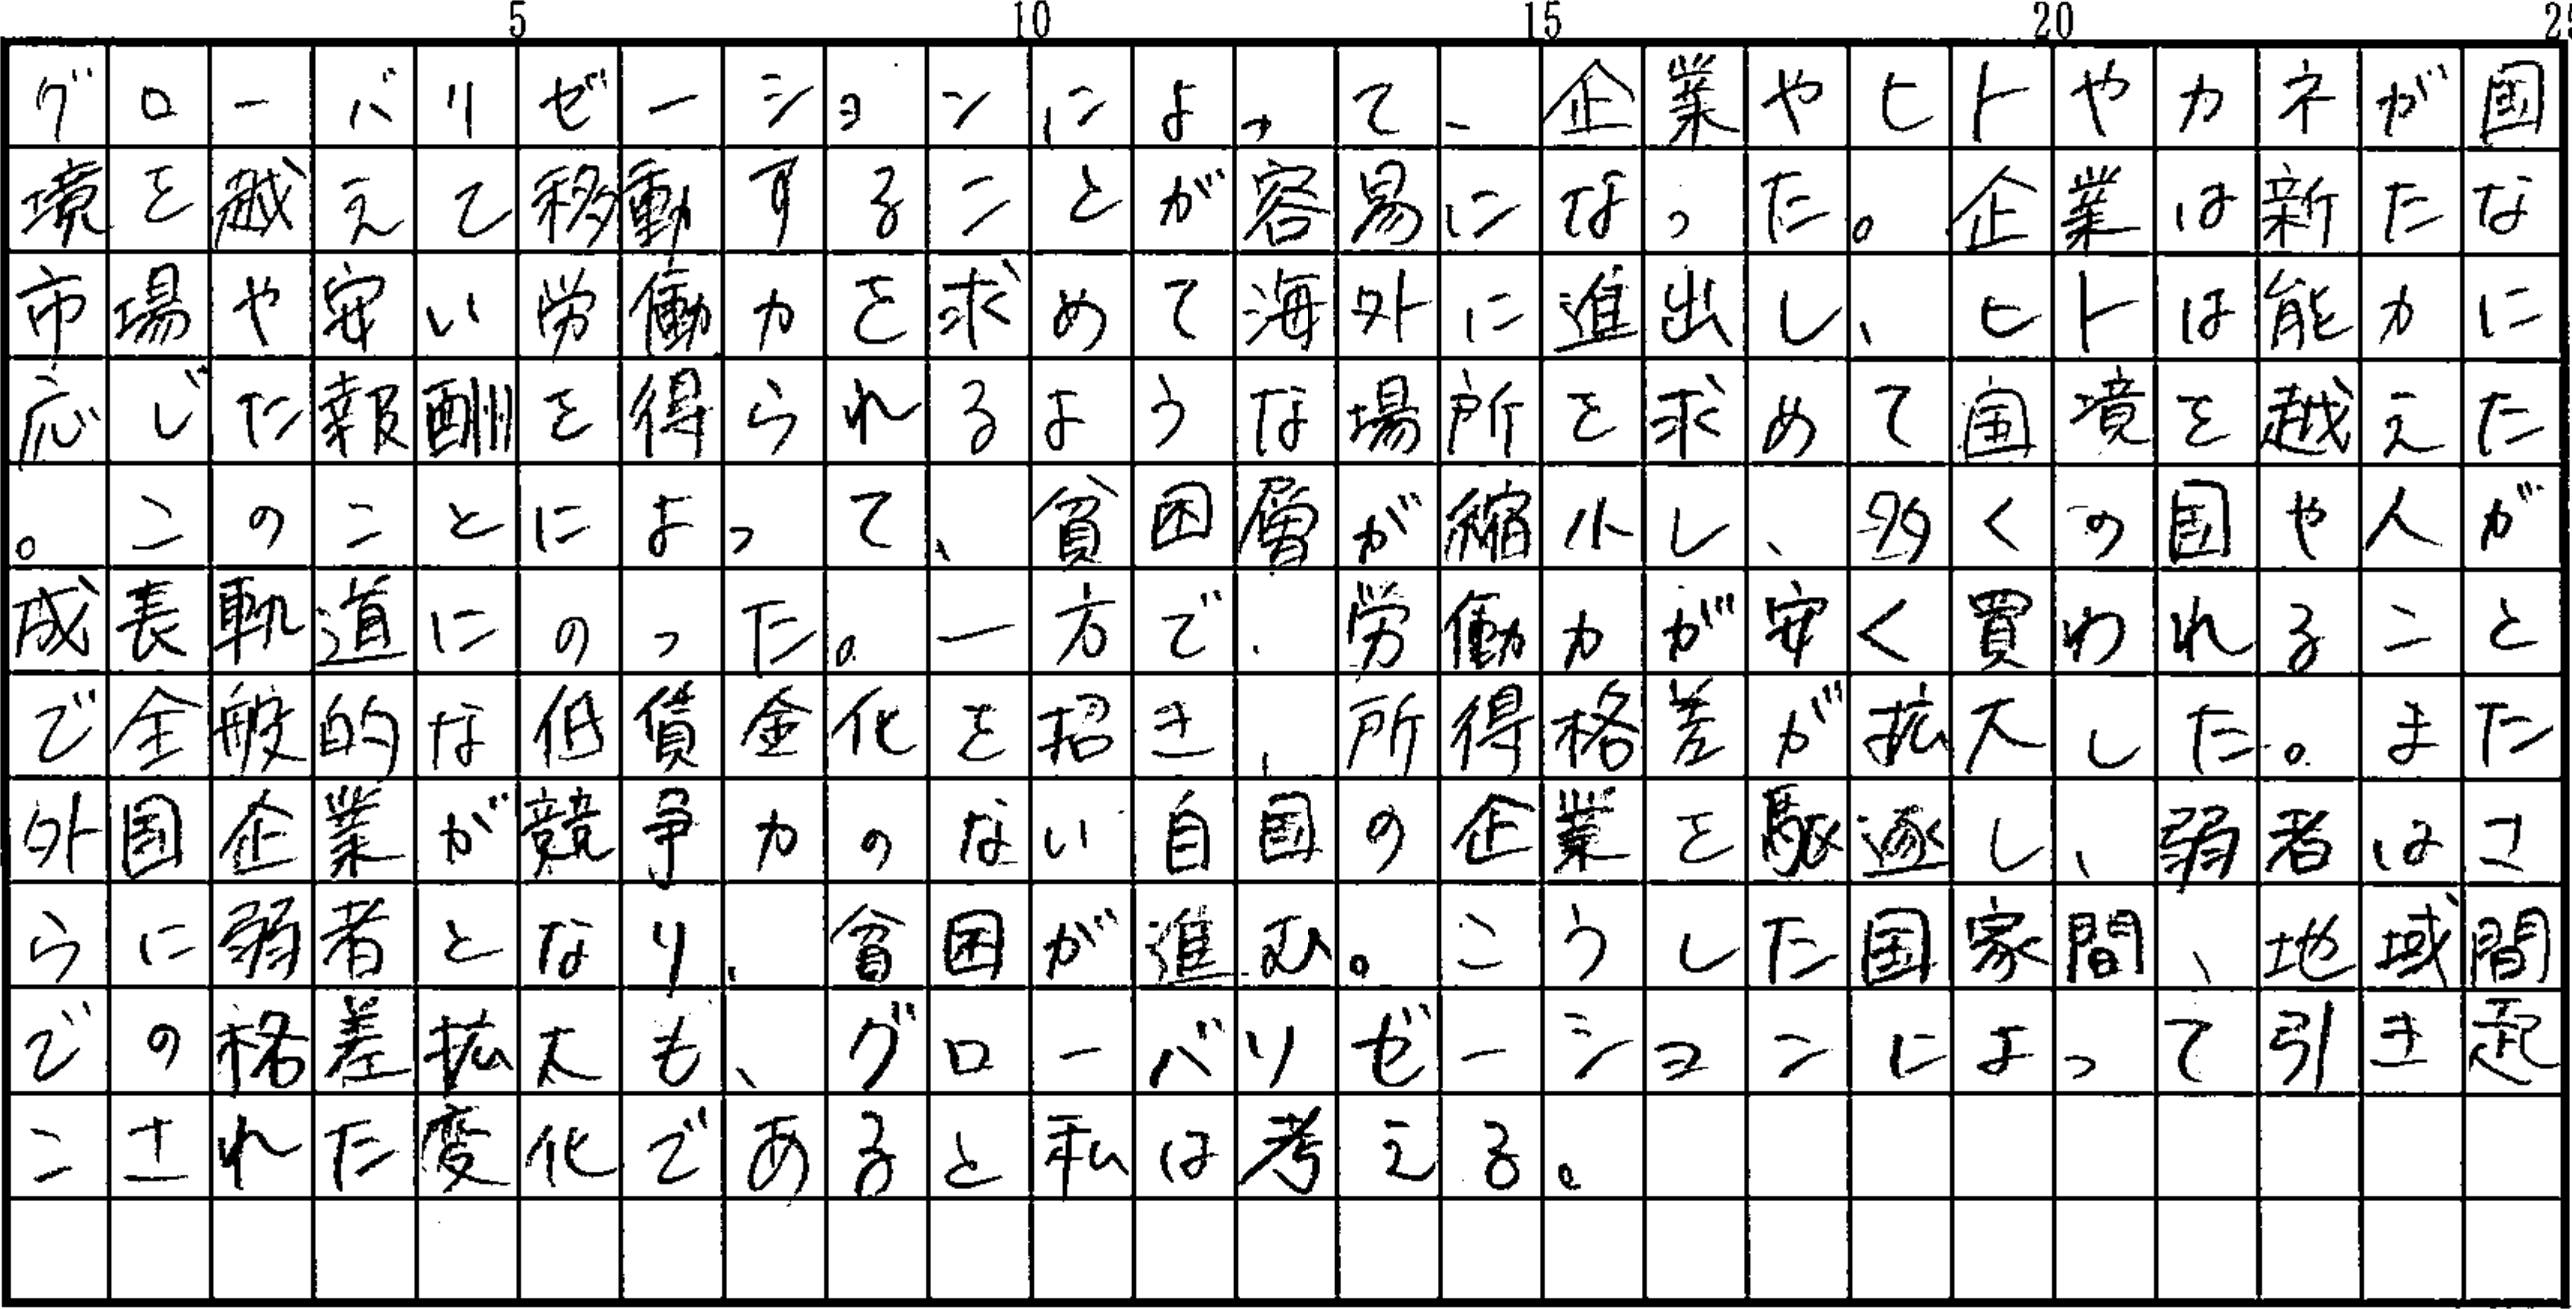グローバリゼーションによって、企業やヒトやカネが国境を▁えて移動することが容易になった。企業は新たな市場や安い労働力を求めて海外に進出し、ヒトは能力に応じた報酬を得られるような場所を求めて国境を越えた。このことによって、貧困層が縮小し、多くの国や人が成長軌道にのった。一方で、労働力が安く買われることで全般的な低賃金化を招き、所得格差が拡大した。また外国企業が競争力のない自国の企業を駆逐し、弱者はさらに弱者となり、貧困が進む。こうした国家間、地域間での格差拡大も、グローバリゼーションによって引き起こされた変化であると私は考える。
